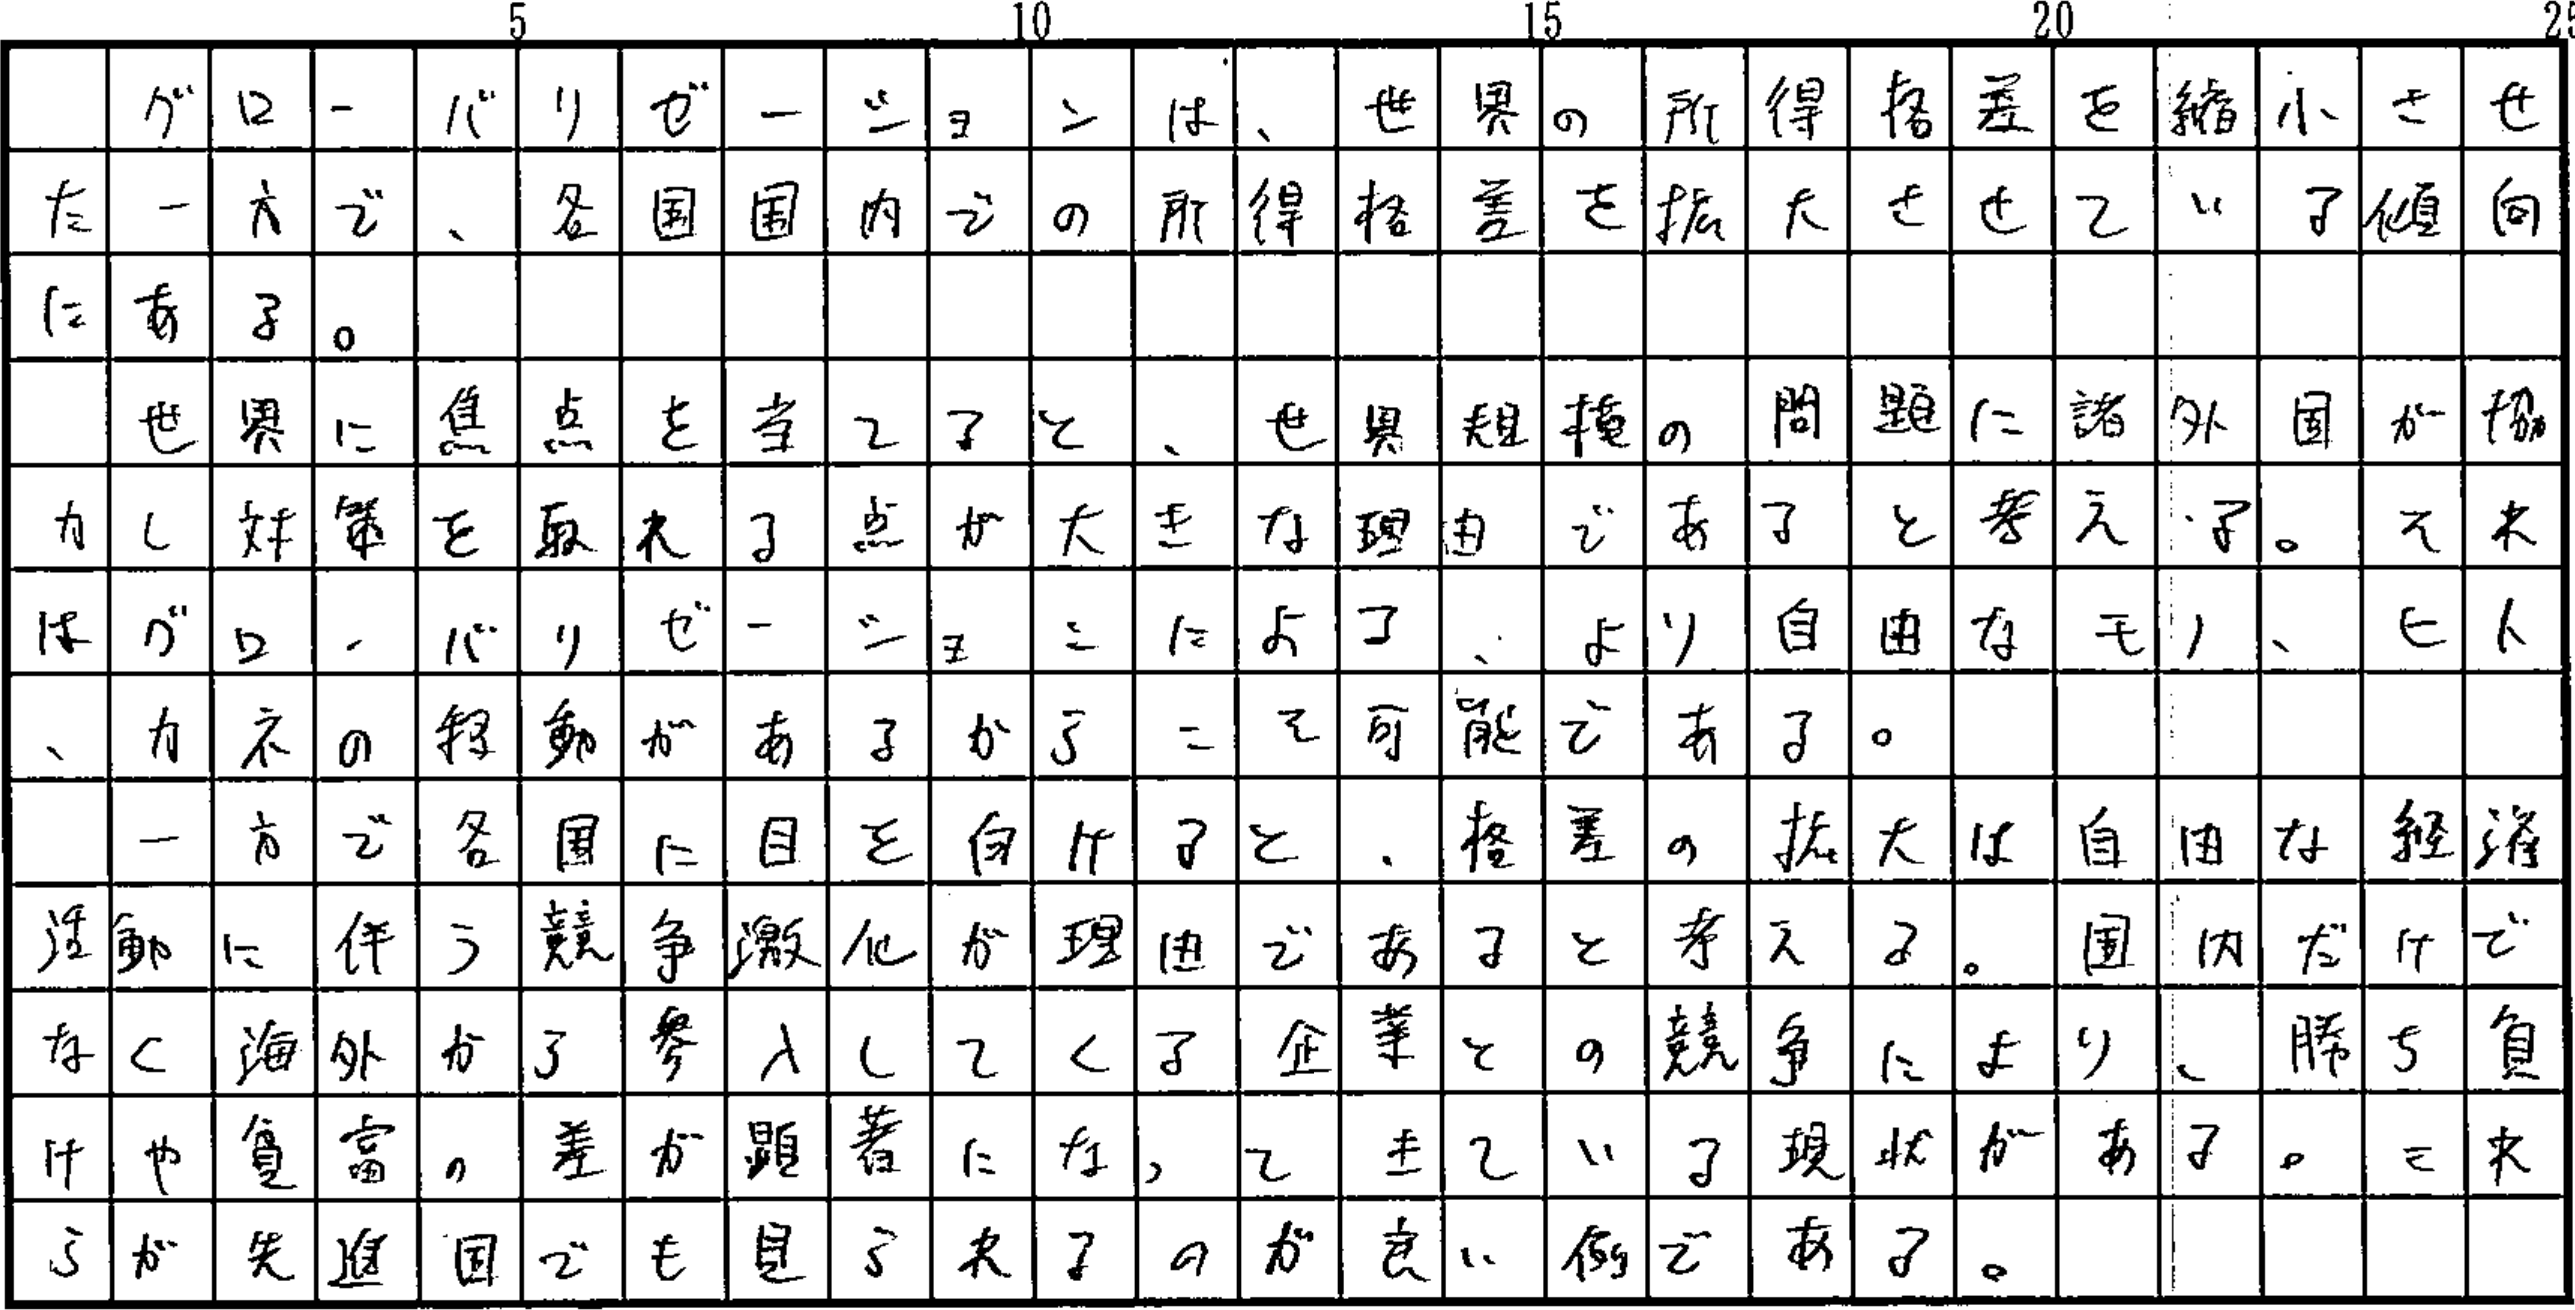　グローバリゼーションは、世界の所得格差を縮小させた一方で、各国国内での所得格差を拡大させている傾向にある。
　世界に焦点を当てると、世界規模の問題に諸外国が協力し対策を取れる点が大きな理由であると考える。それはグローバリゼーションによる、より自由なモノ、ヒト、カネの移動があるからこそ可能である。
　一方で各国に目を向けると、格差の拡大は自由な経済活動に伴う競争激化が理由であると考える。国内だけでなく海外から参入してくる企業との競争により、勝ち負けや貧富の差が顕著になってきている現状がある。これらが先進国でも見られるのが良い例である。
